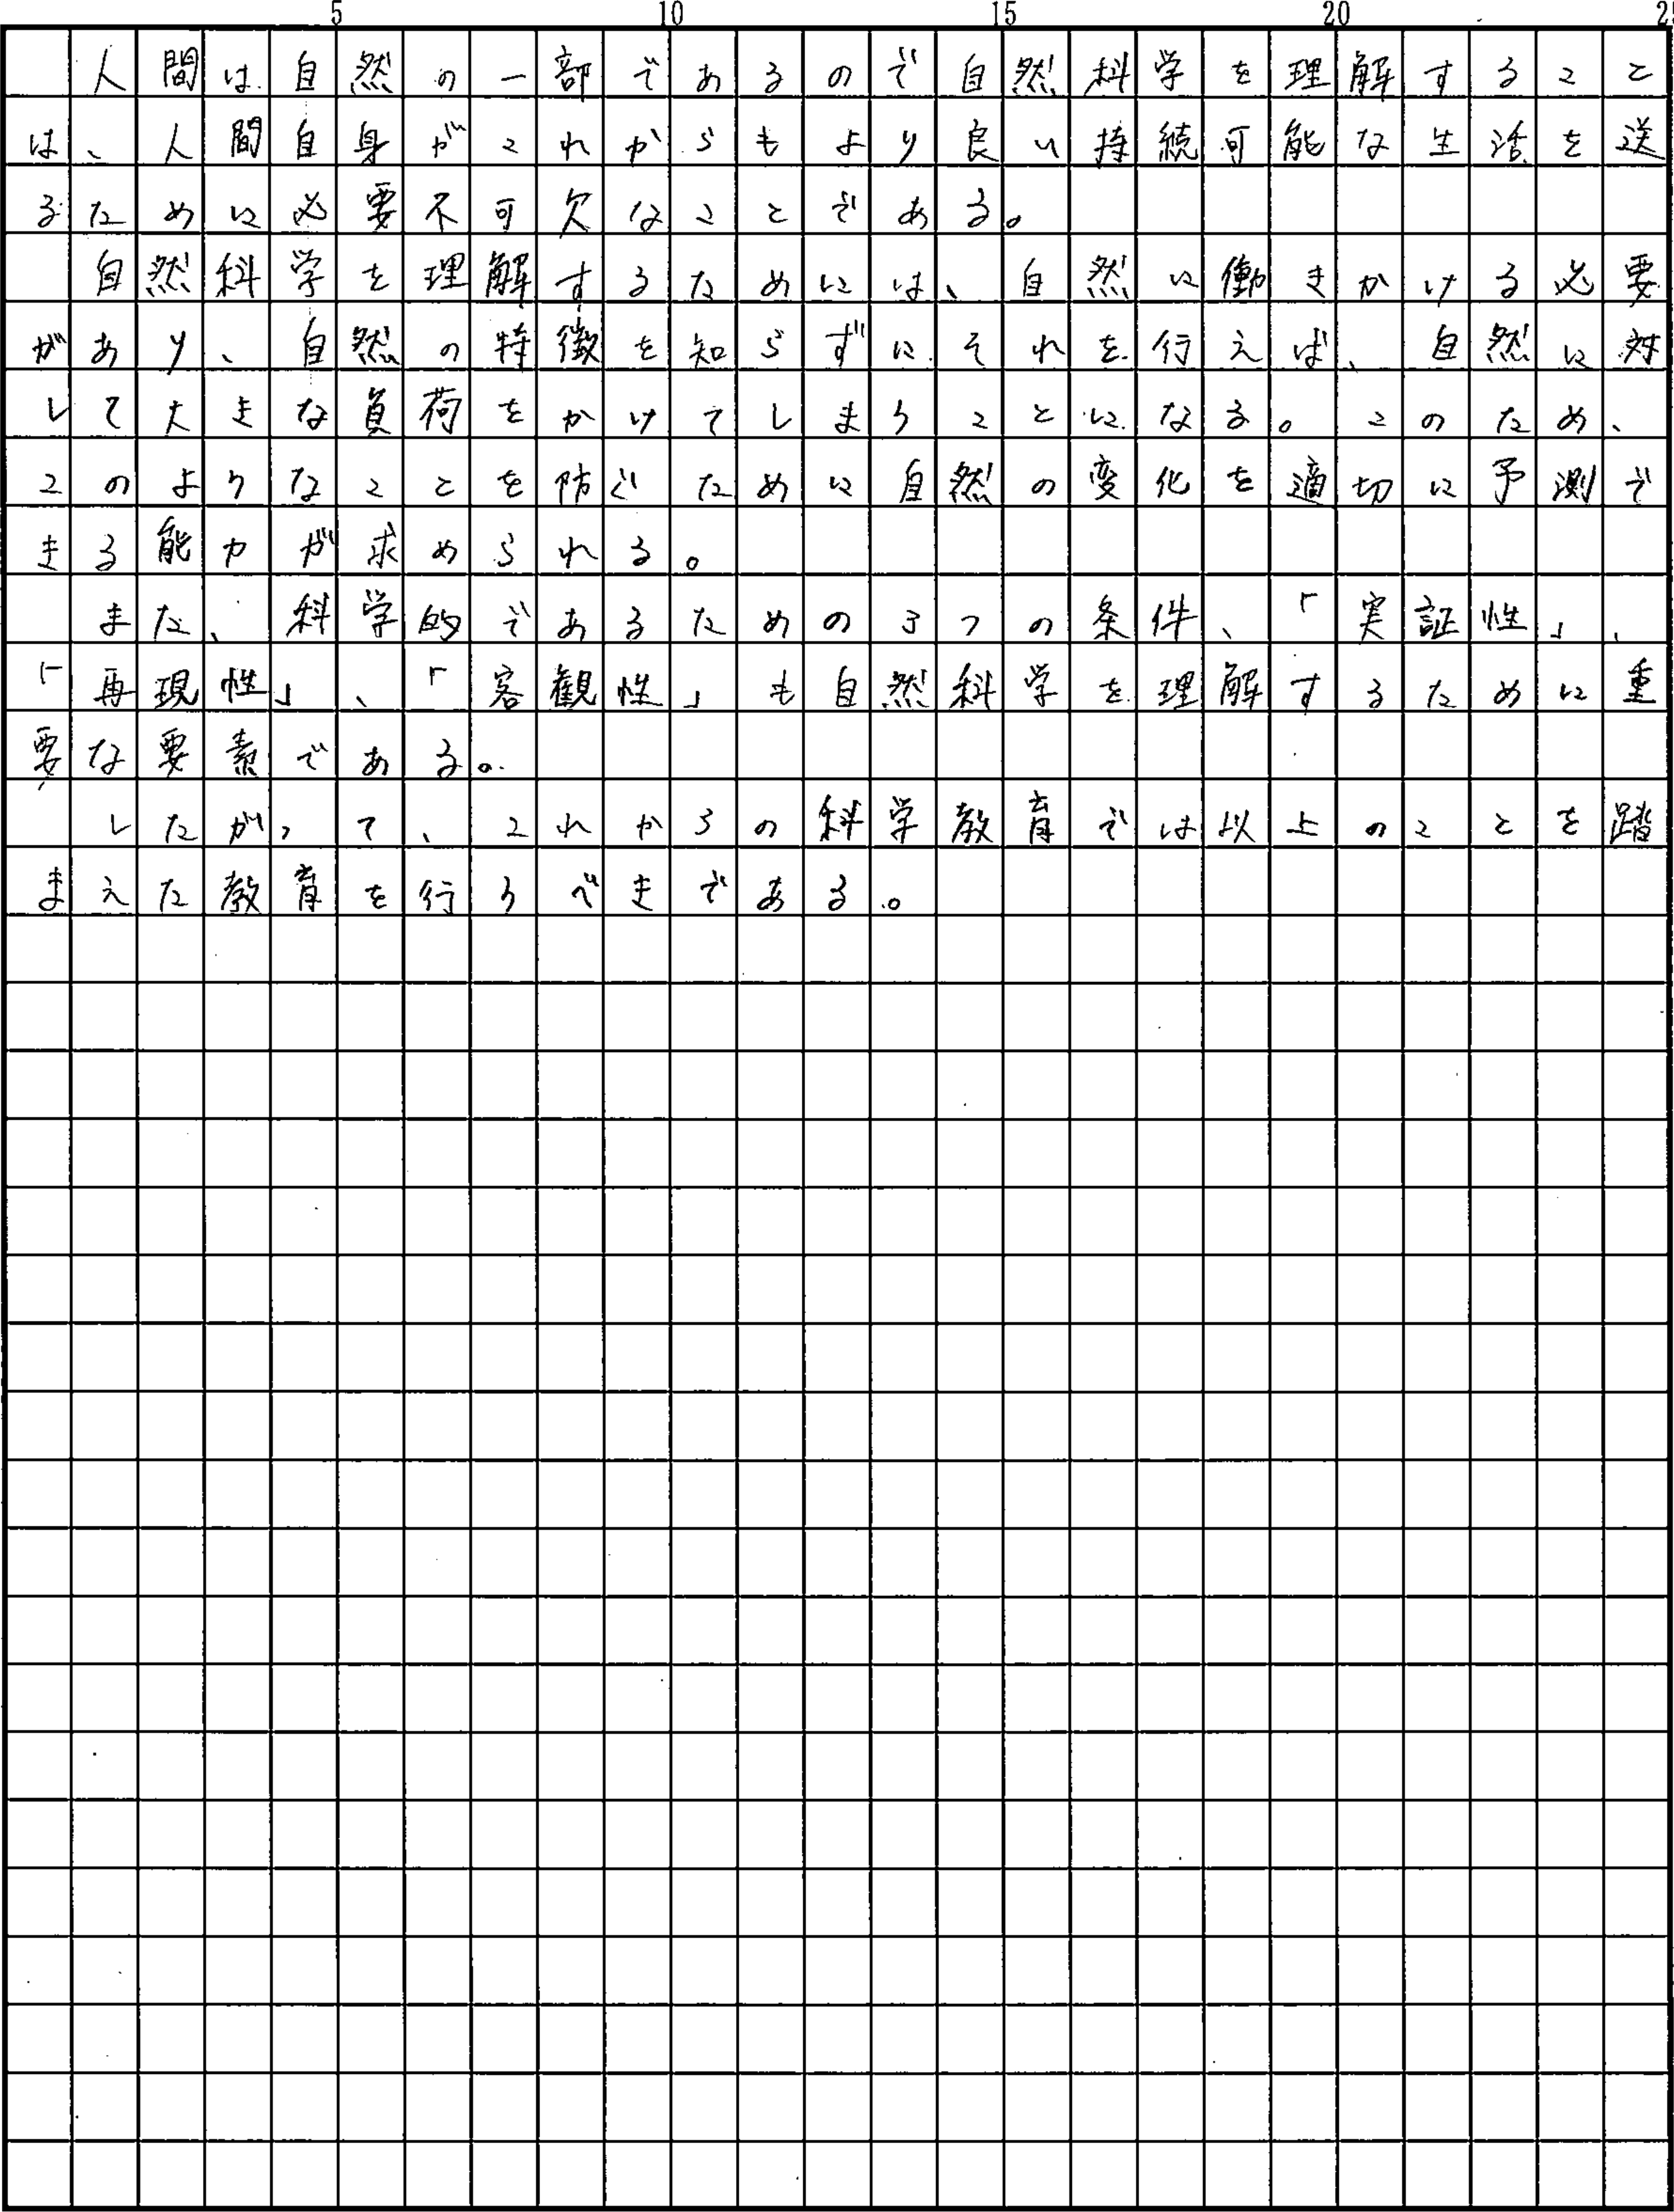　人間は自然の一部であるので自然科学を理解することは、人間自身がこれからもより良い持続可能な生活を送るために必要不可欠なことである。
　自然科学を理解するためには、自然に働きかける必要があり、自然の特徴を知らずにそれを行えば、自然に対して大きな負荷をかけてしまうことになる。このため、このようなことを防ぐために自然の変化を適切に予測できる能力が求められる。また、科学的であるための３つの条件、「実証性」、「再現性」、「客観性」も自然科学を理解するために重要な要素である。
　したがって、これからの科学教育では以上のことを踏まえた教育を行うべきである。
